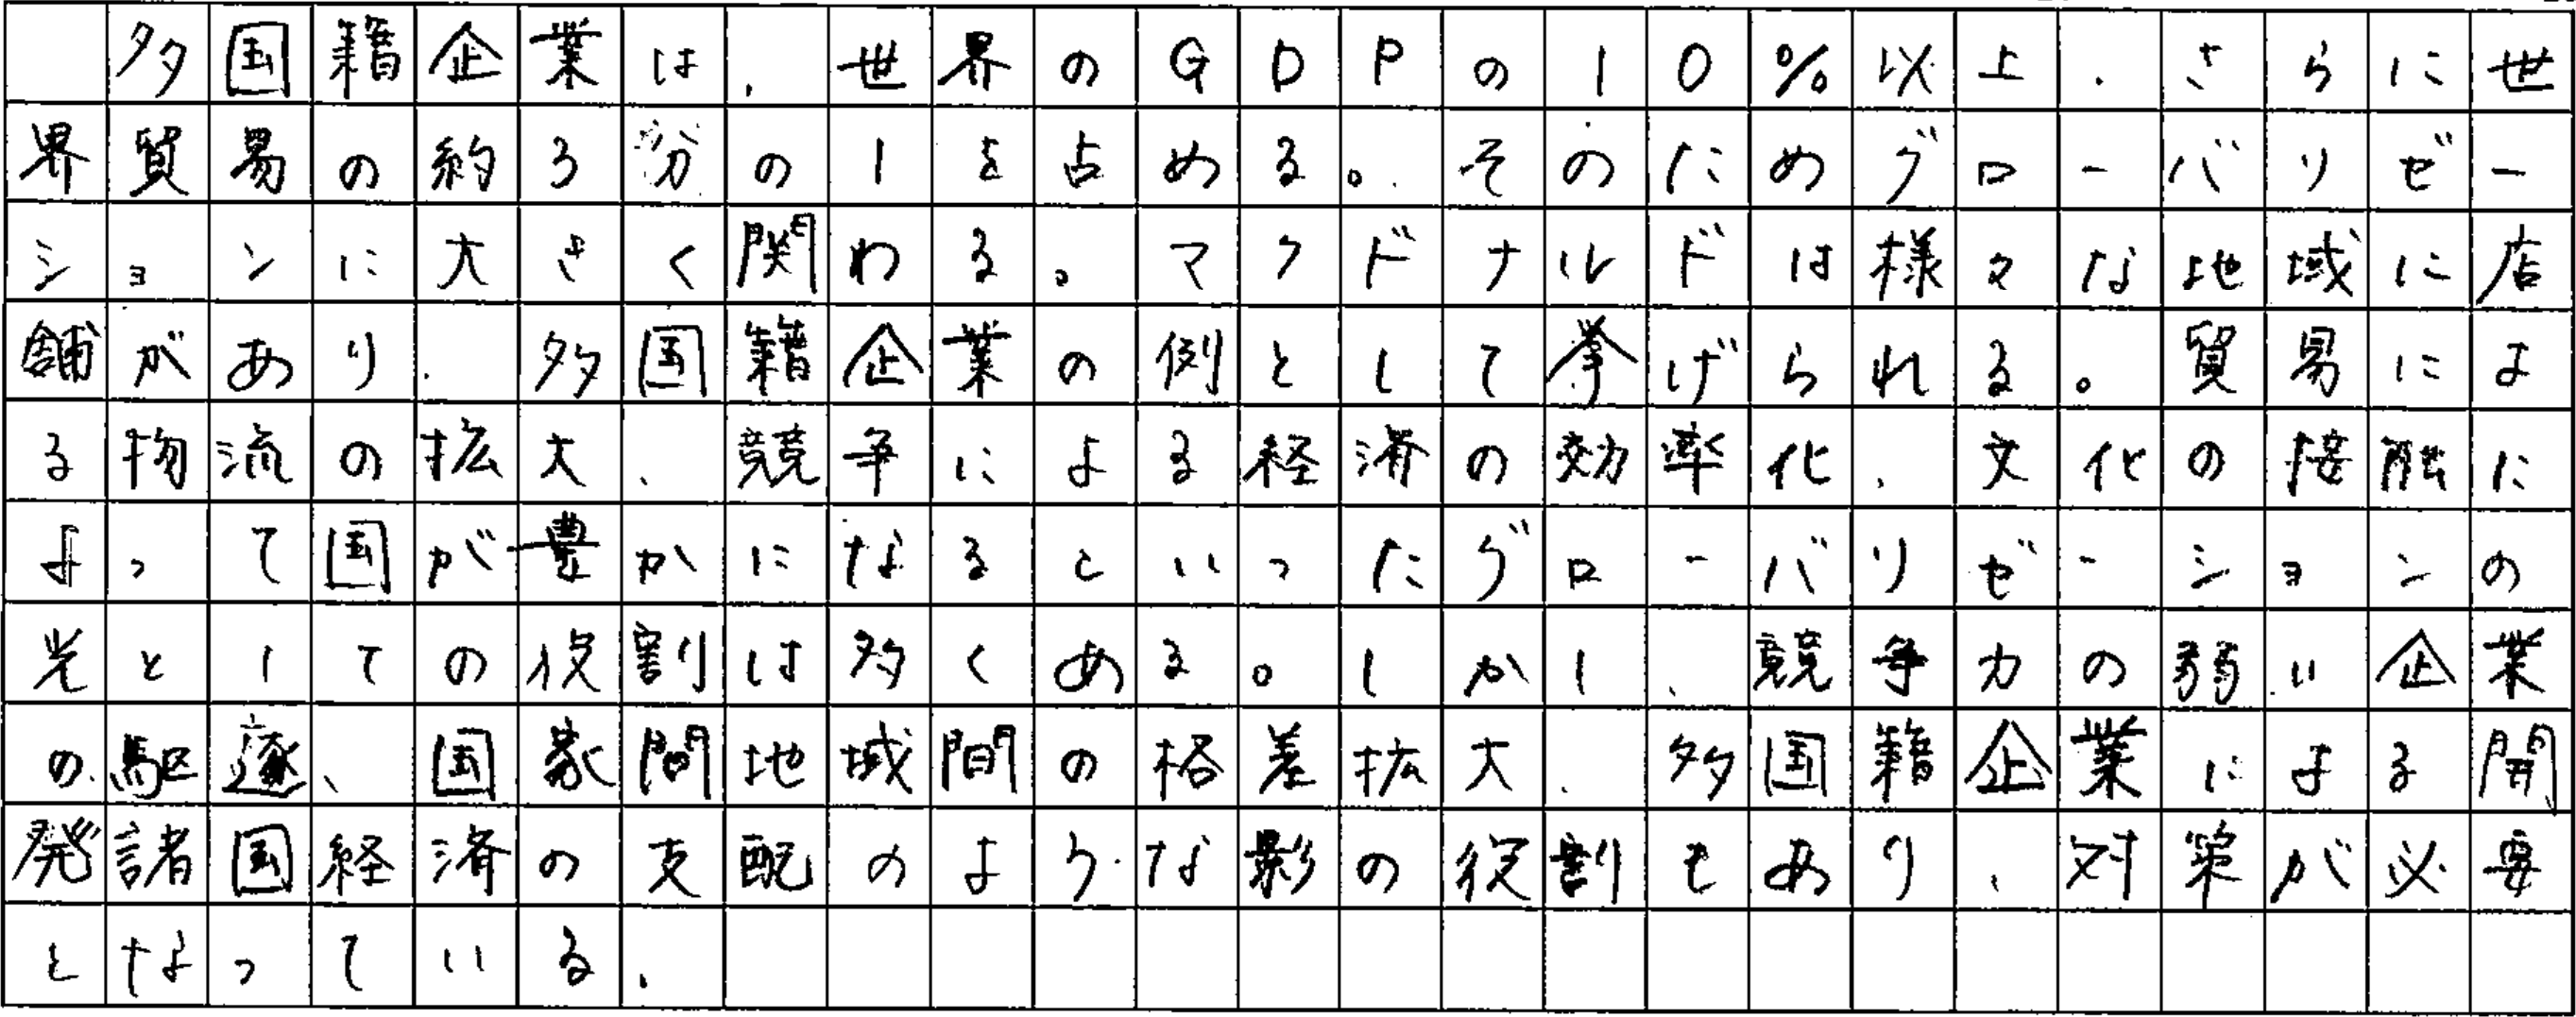　多国籍企業は、世界のＧＤＰの１０％以上、さらに世界貿易の約３分の１を占める。そのためグローバリゼーションに大きく関わる。マクドナルドは様々な地域に店舗があり、多国籍企業の例として挙げられる。貿易による物流の拡大、競争による経済の効率化、文化の接触によって国が豊かになるといったグローバリゼーションの光としての役割は多くある。しかし、競争力の弱い企業の駆逐、国家間地域間の格差拡大、多国籍企業による開発諸国経済の支配のような影の役割もあり、対策が必要となっている。
